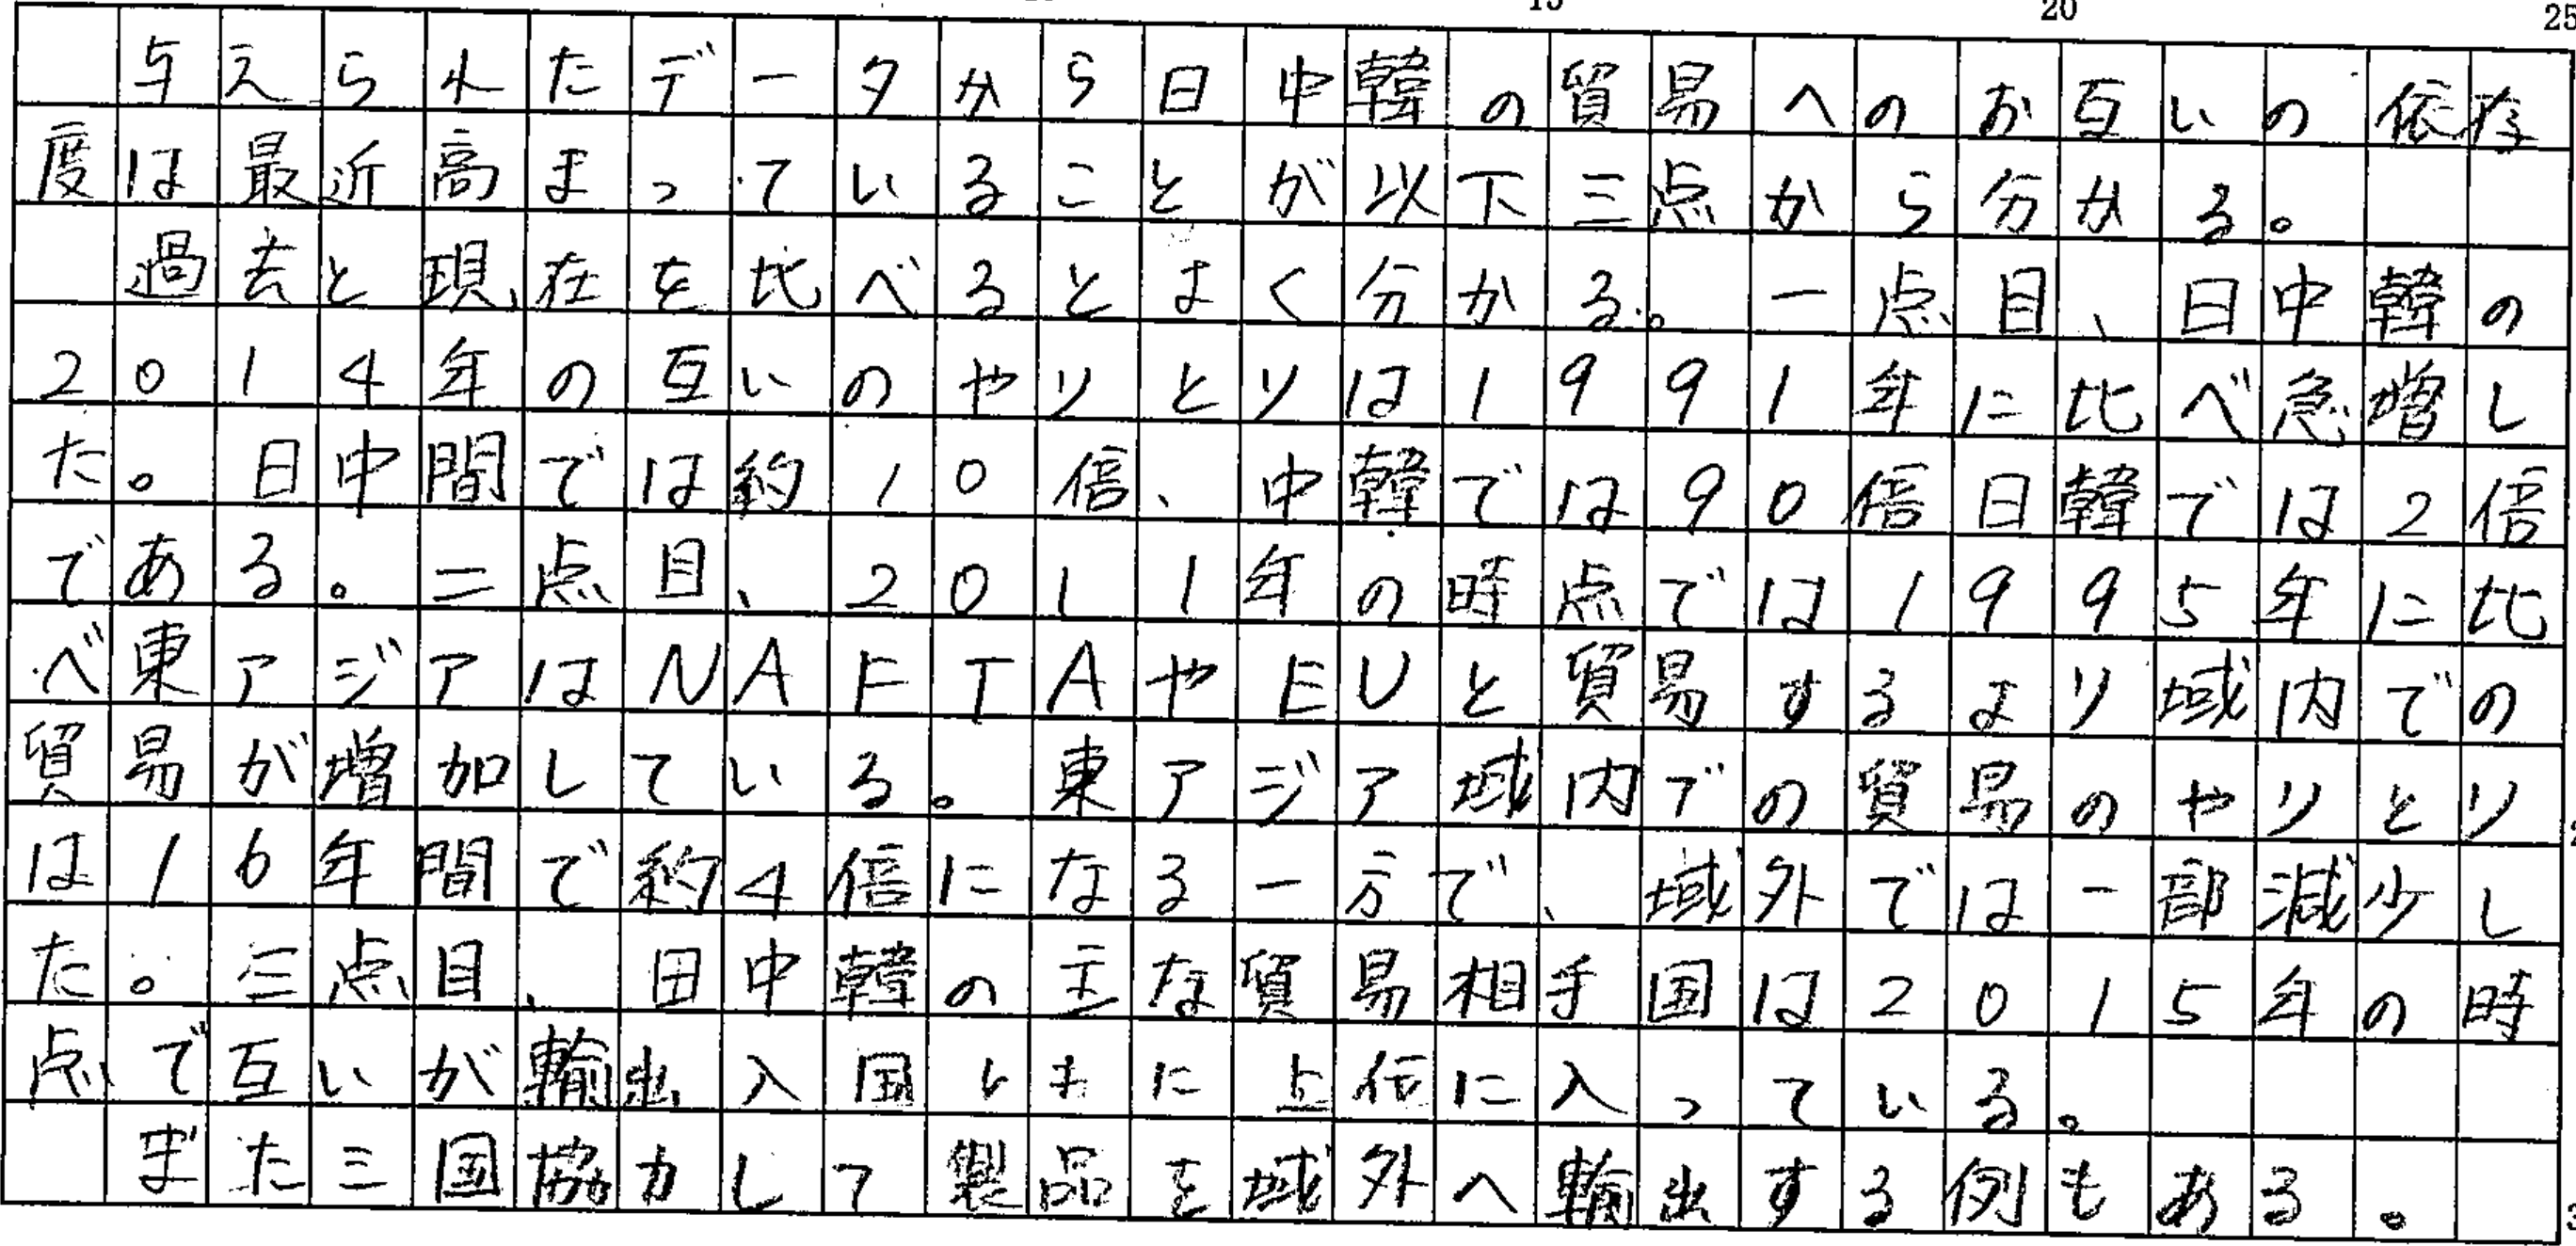　与えられたデータから日中韓の貿易へのお互いの依存度は最近高まっていることが以下三点から分かる。
　過去と現在を比べるとよく分かる。一点目、日中韓の２０１４年の互いのやりとりは１９９１年に比べ急増した。日中間では約１０倍、中韓では９０倍日韓では２倍である。二点目、２０１１年の時点では１９９５年に比べ東アジアはＮＡＦＴＡやＥＵと貿易するより域内での貿易が増加している。東アジア域内での貿易のやりとりは１６年間で約４倍になる一方で、域外では一部減少した。三点目、日中韓の主な貿易相手国は２０１５年の時点で互いが輸出入国ともに上位に入っている。
　また三国協力して製品を域外へ輸出する例もある。
